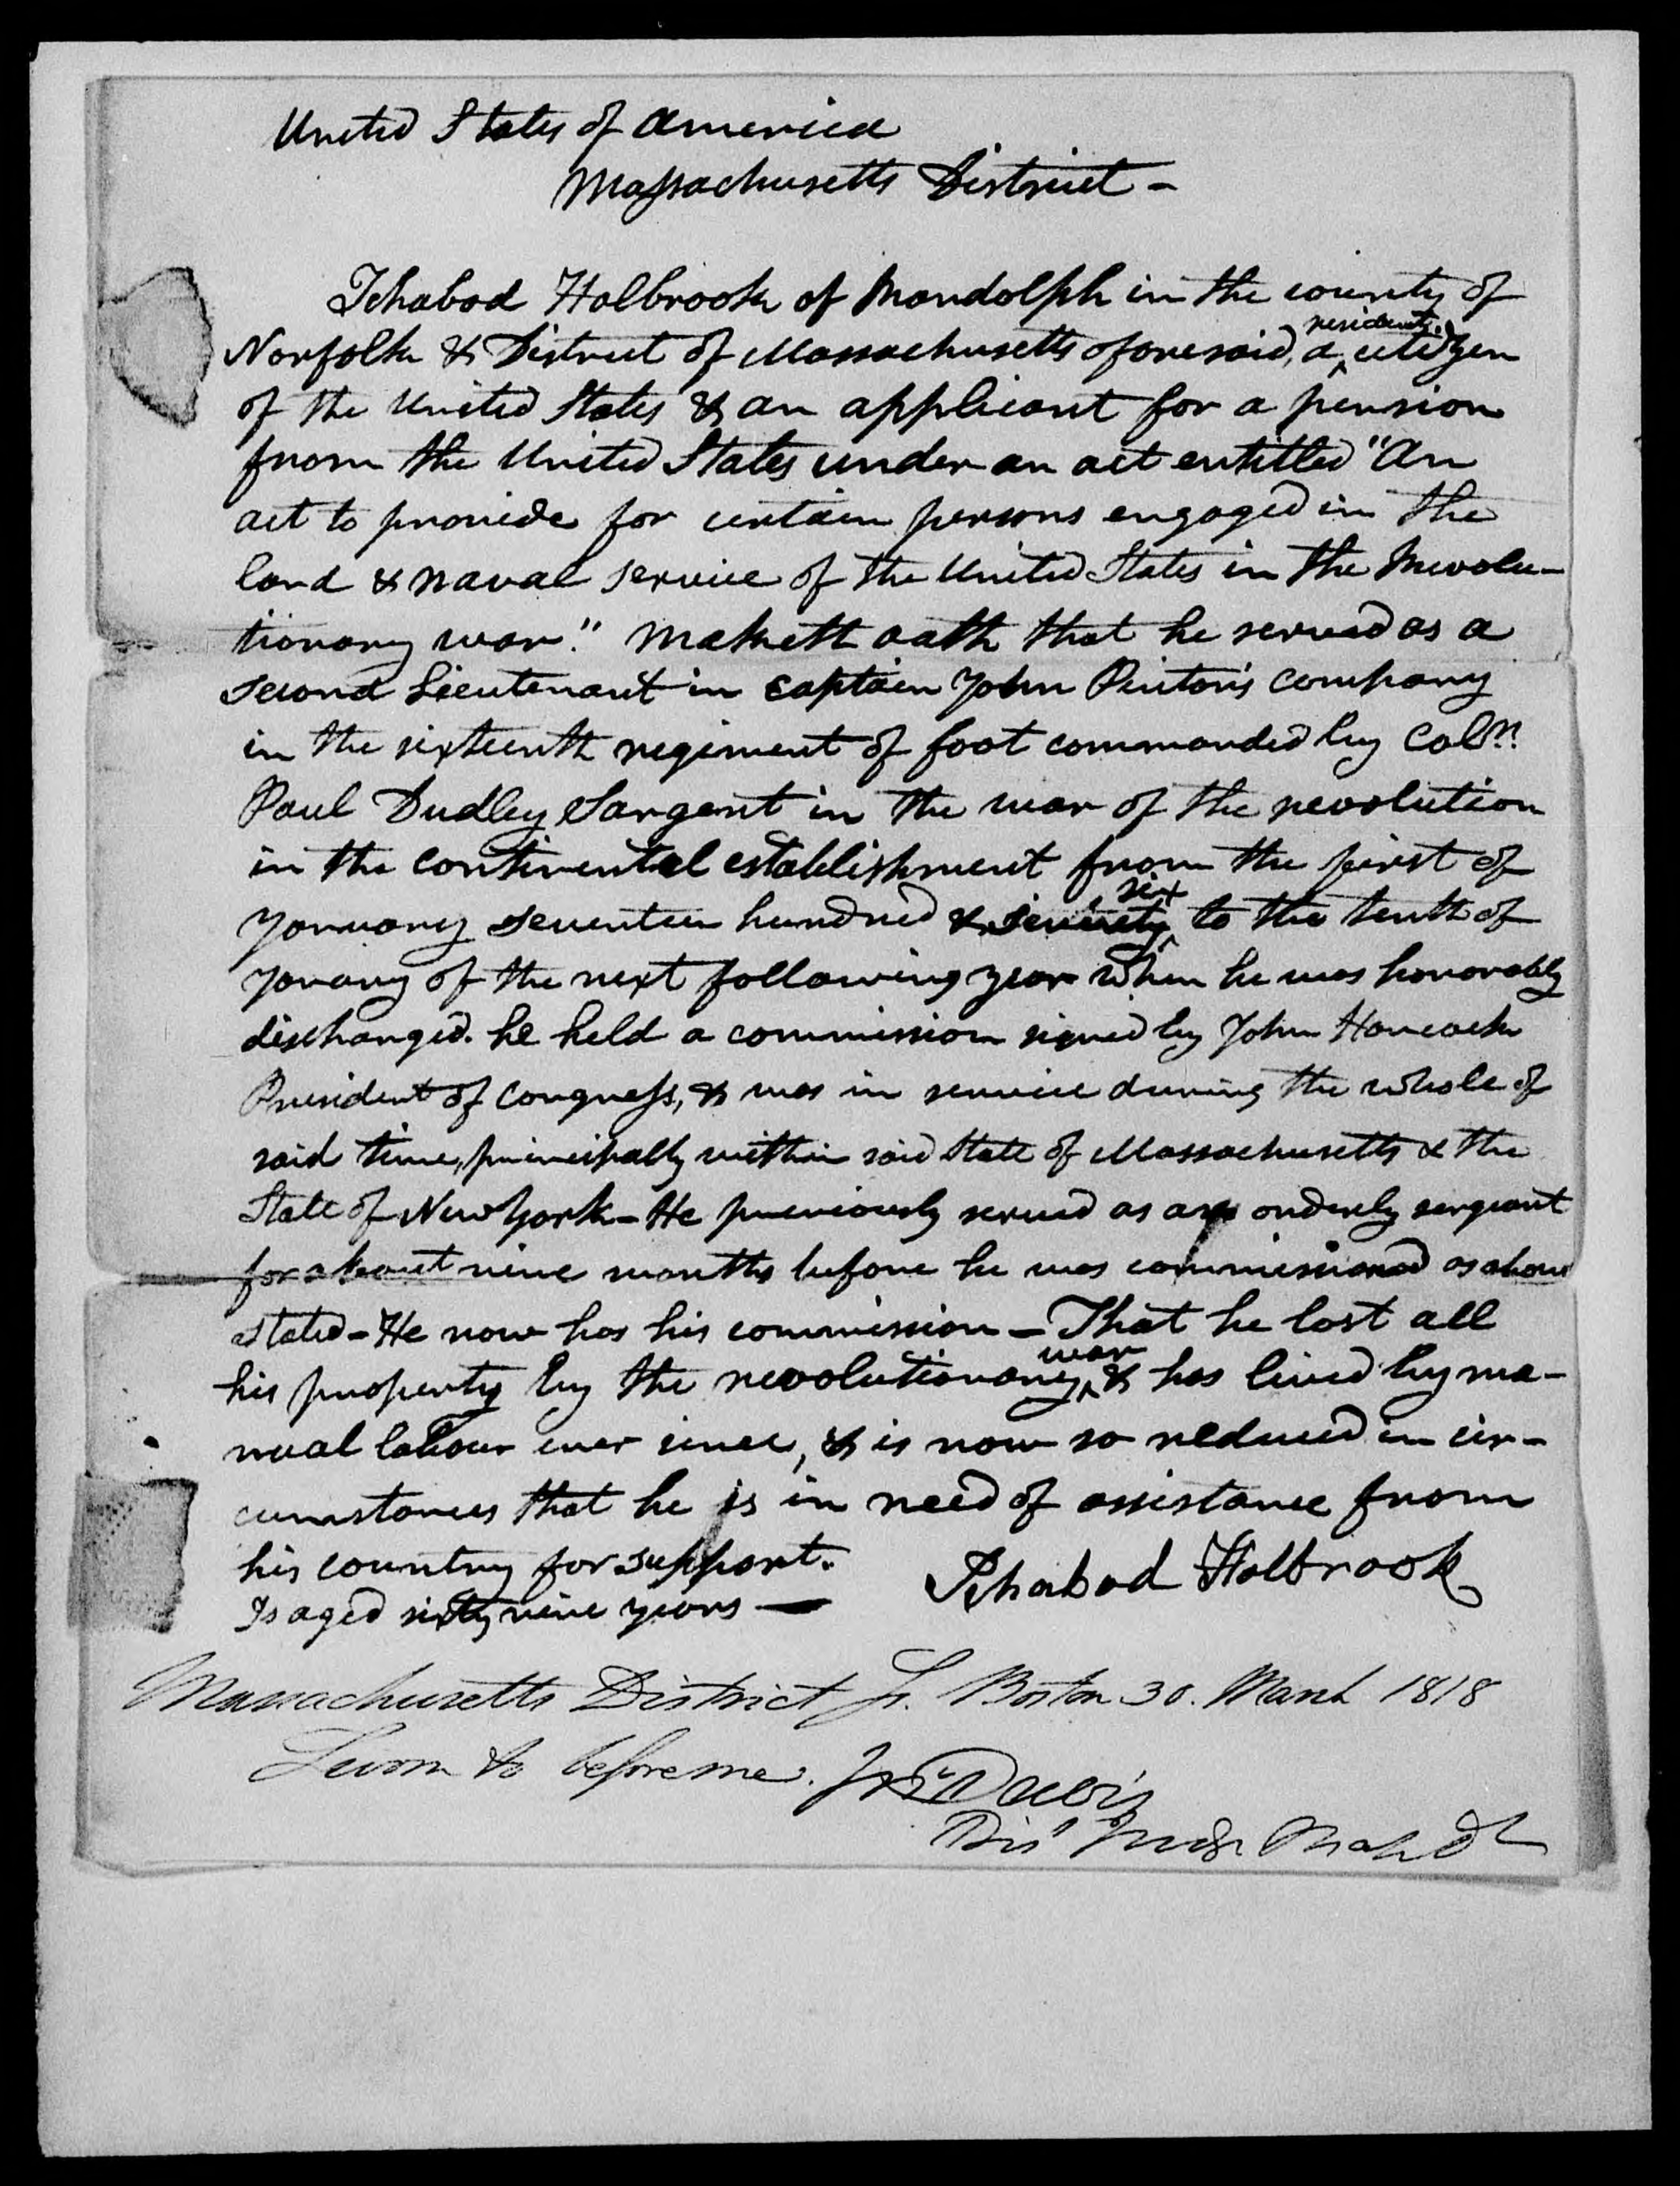United States of America
Massachusetts District –

Ichabod Holbrook of Randolph in the county of Norfolk & District of Massachusetts aforesaid, a resident citizen of the United States & an applicant for a pension from the United States under an act entitled "An act to provide for certain persons engaged in the land & naval service of the United States in the Revolutionary War." maketh oath that he served as a second Lieutenant in Captain John P[??]ton's company in the sixteenth regiment of foot commanded  by Revy Coln. Paul Dudley Sargent in the war of the revolution in the continental establishment from the first of January seventeen hundred & seventy six to the tenth of Janary of the next following year when he was honorably discharged. he held a commission signed by John Hancock President of Congress, & was in service during the whole of said time, [illegible] within said state of Massachusetts & the State of New York– He previously served as an orderly sergeant for about nine months before he was commissioned as above stated– He now has his commission – That he lost all his property by the revolutionary war & has lived by manual labour ever since, & is now so reduced in circumstances that he is in need of assistance from his country for support.

Is aged sixty nine years—

Ichabod Holbrook

Massachusetts District [ss.?] Boston 30 March 1818
worn to before me 

Jno Davis
Dist Judge [illegible]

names: Jno Davis, Ichabod Holbrook, Ichabod Holbrook, John Hancock, Paul Dudley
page: 6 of 15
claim: survivor's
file: S. 32,852, Ichabod Holbrook, Continental Mass.